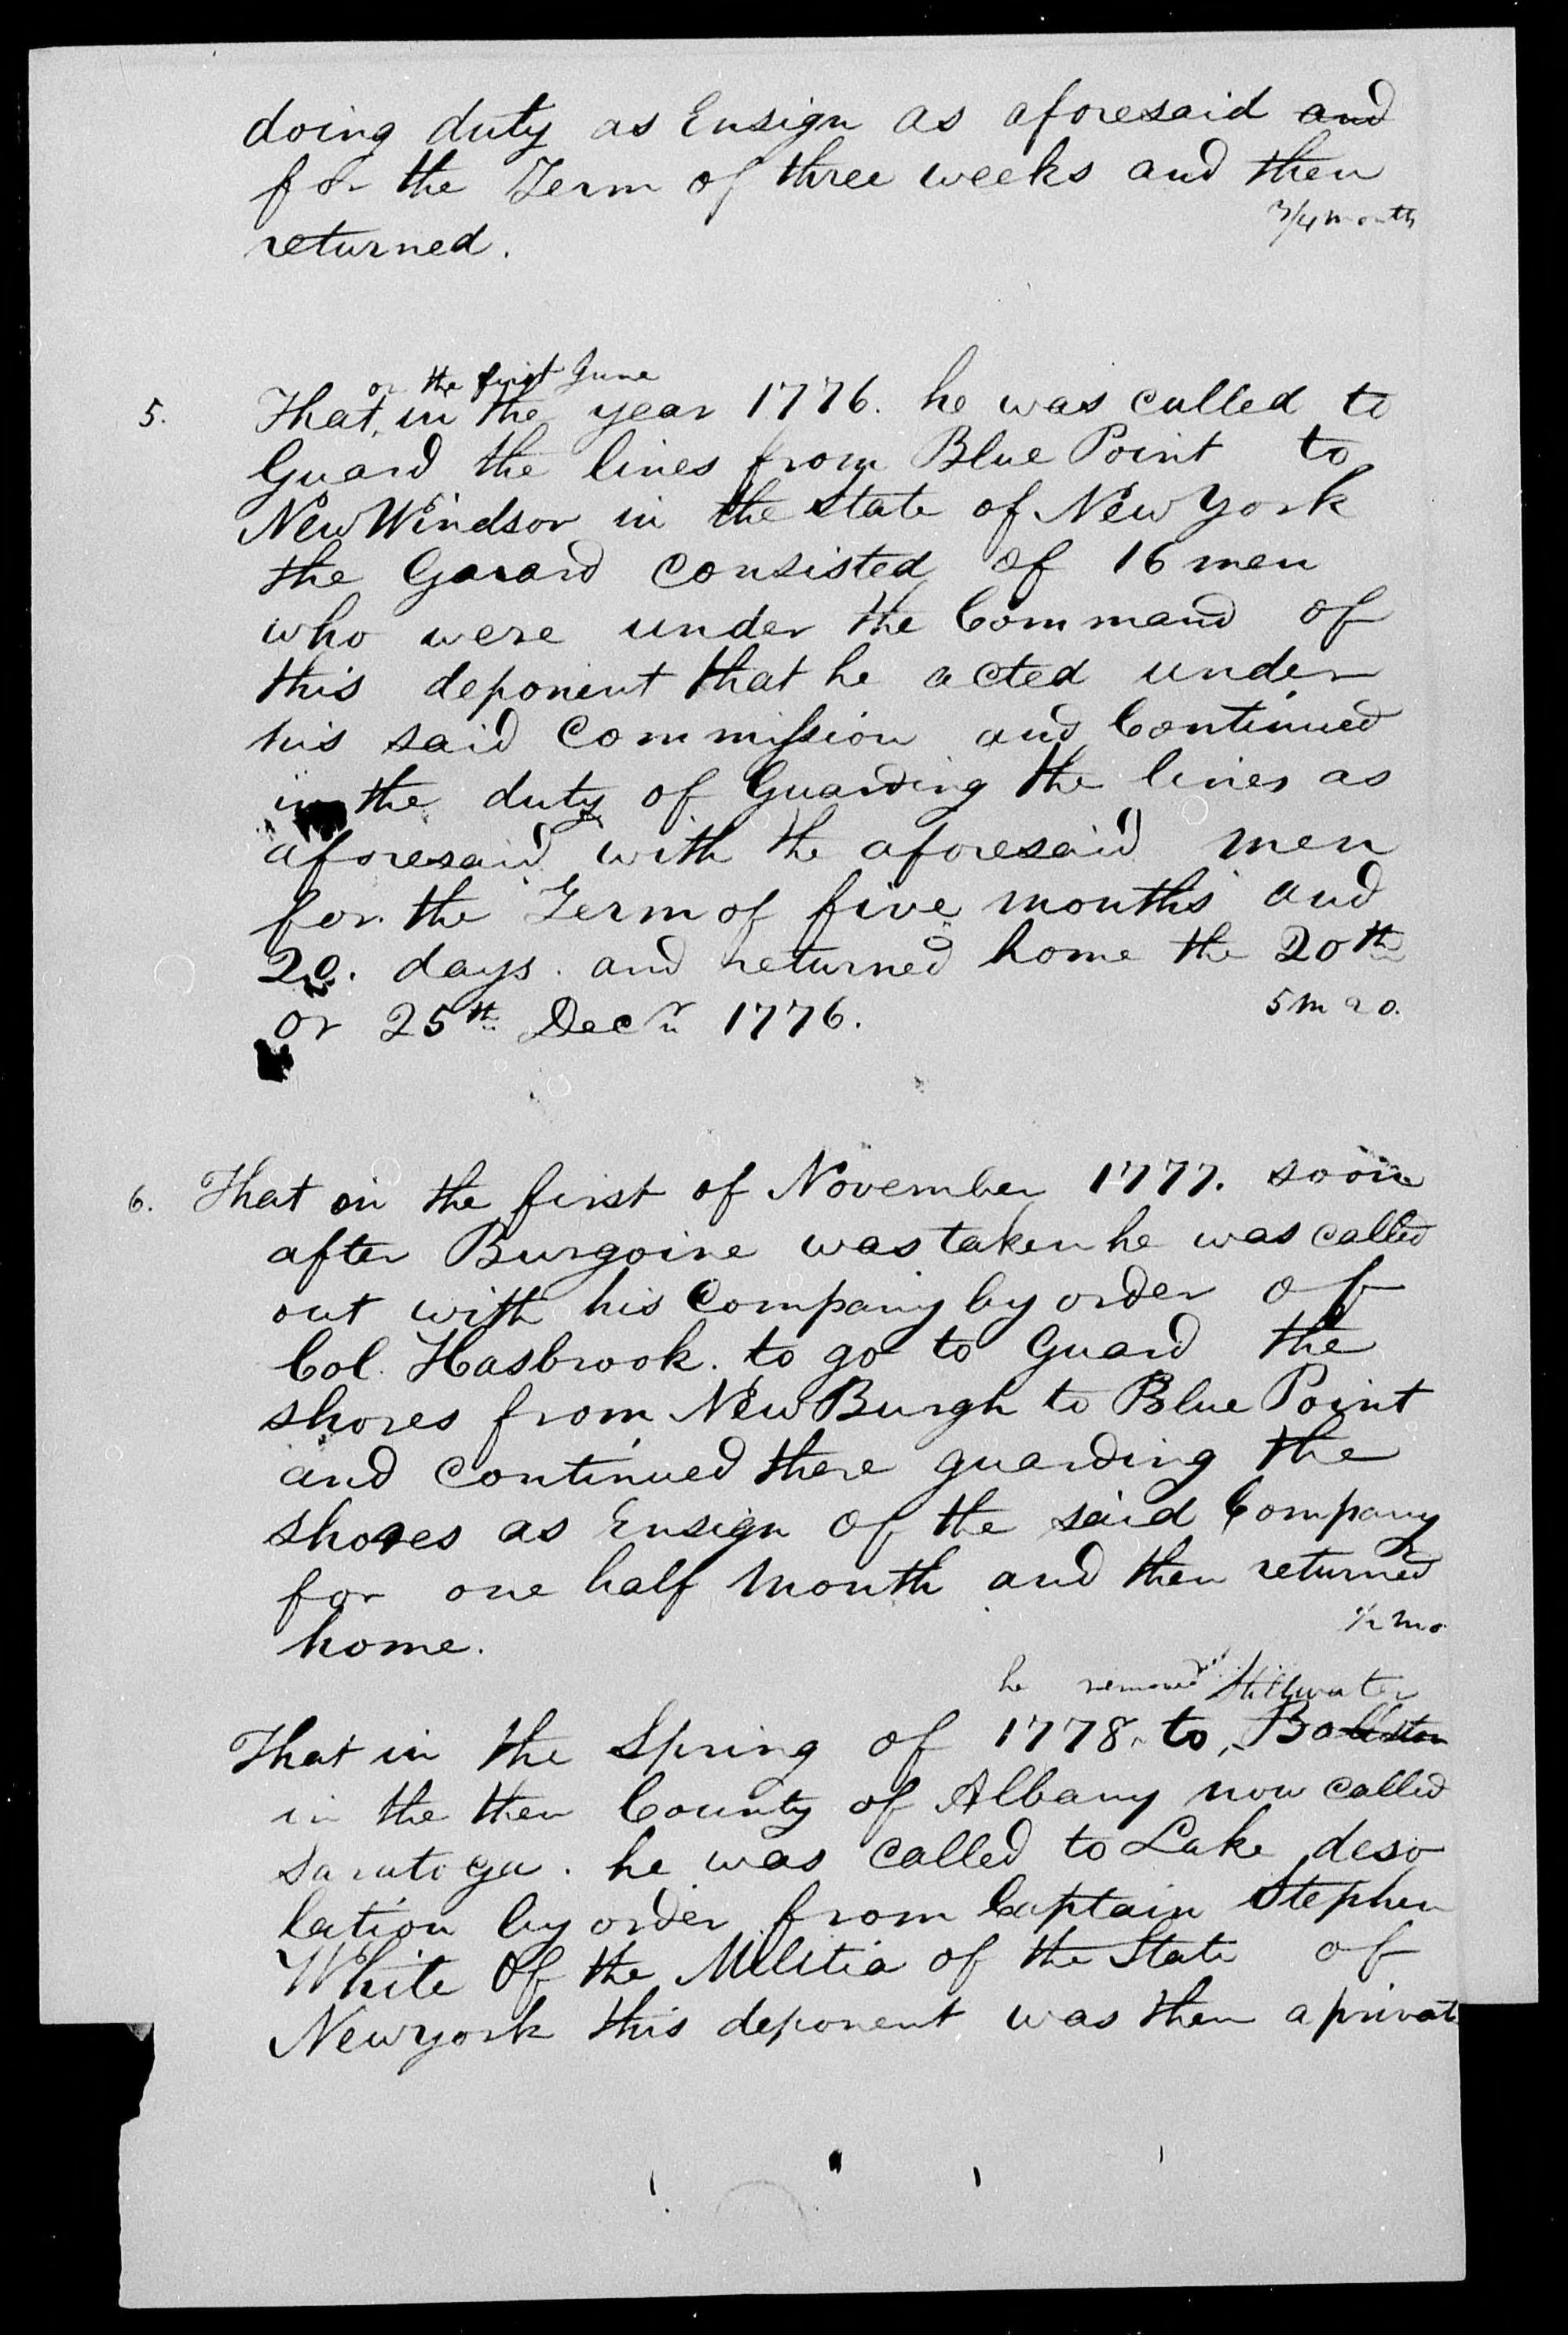doing duty as Ensign as aforesaid and
for the Term of three weeks and then
returned.      3/4 months

5.  That or the first June in the year 1776 he was called to Guard the lines from Blue Point to New Windsor in the State of New York the Guard consisted of 16 men who were under the command of this deponent that he acted under his said Commission and Continued in the duty of guarding the lines as aforesaid with the aforesaid men for the Term of five months and 20 days. and returned home the 20th or 25th Decr 1776.

6. That on the first of November 1777. soon after Burgoine was taken he was called out with his company by order of Col. Hasbrook to go to guard the
shores from New Burgh to Blue Point
and continued there guarding the
shores as Ensign of the said Company
for one half month and then returned
home.  1/2 month

That in the Spring of 1778 he remove to Stillwater in the then County of Albany now called Saratoga.  he was called to Lake desolation by order from Captain Stephen White of the Militia of the State of New York this deponent was then a private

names: [BLANK] Hasbrook; [BLANK] Burgoine; Stephen White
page: 11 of 25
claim: survivor's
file: S. 13668, for John Knowlton, New York